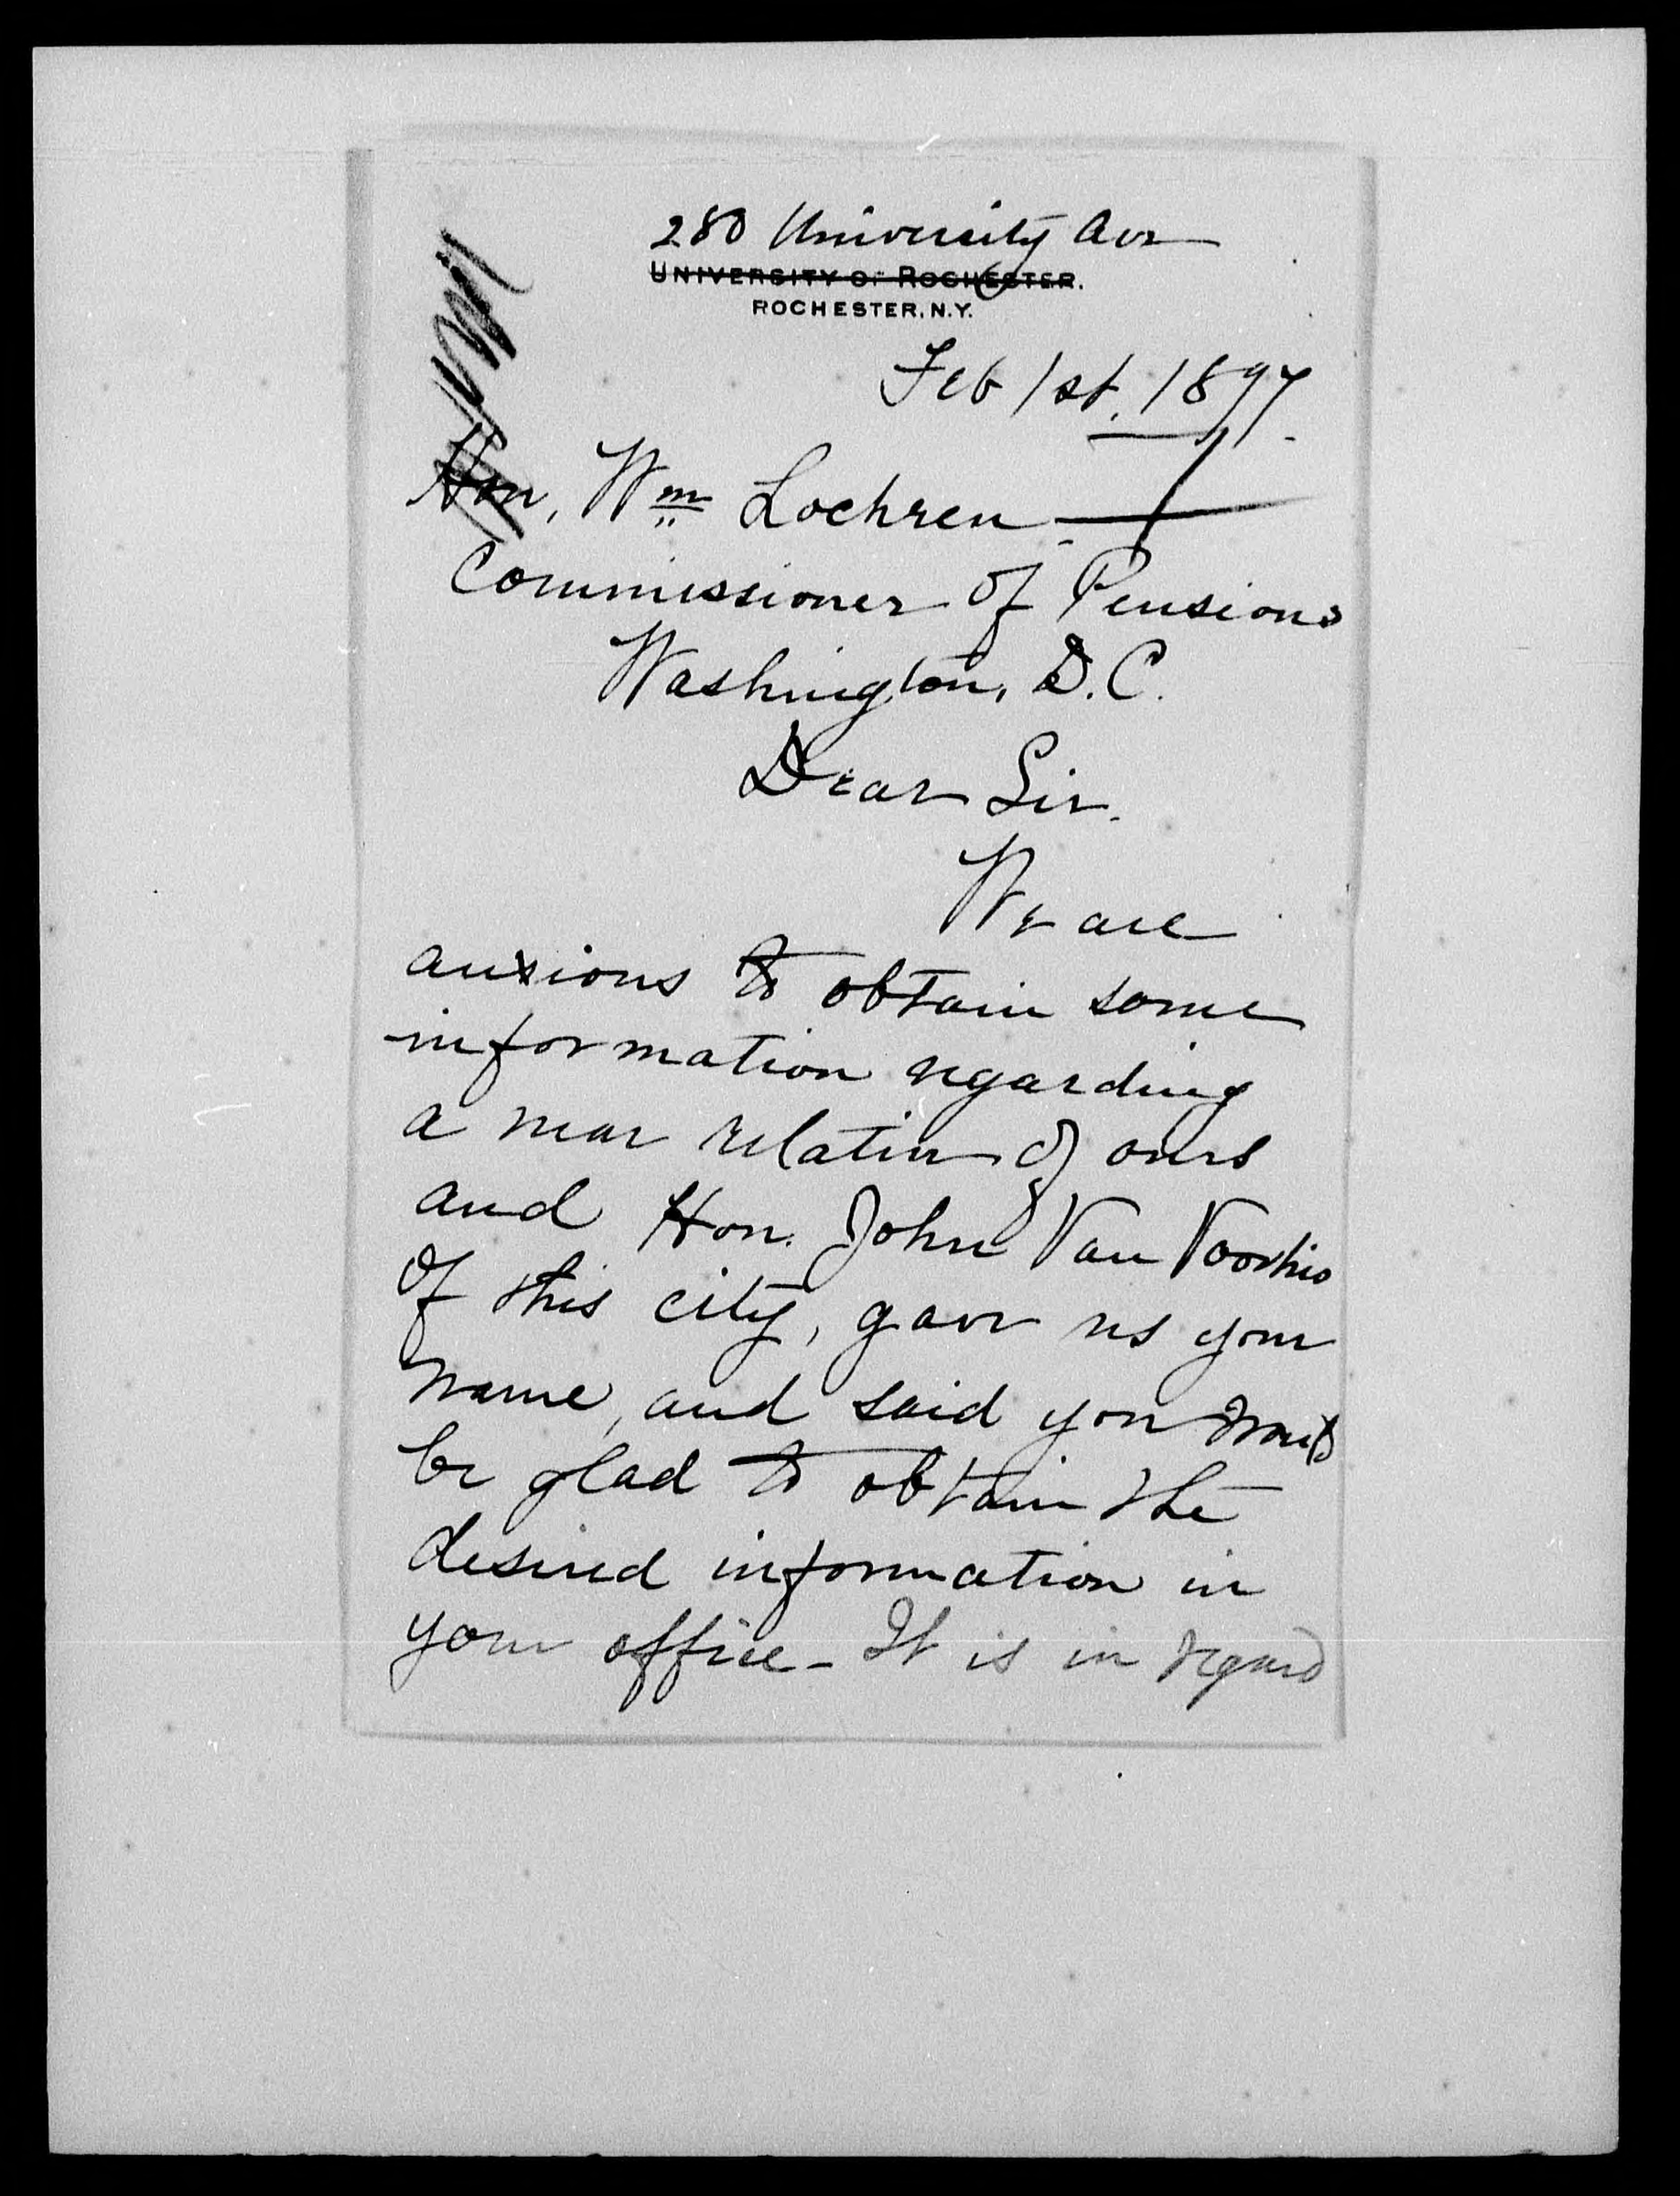280 University Ave.
      Rochester, N.Y.
                                                     Feb 1st. 1877.
Hon, [Hon is scratched out]  Wm. Lochren__
Commisioner of Pensions
     Washington, D.C.
           Dear Sir.
      We are anxious to obtain some information regarding a   
near  of ours and Hon. John Van Voorhis of this city, 
gave us your name, and said you would be glad to obtain the desired information in your office _ It is in regard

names: John Van Voorhis, Wm Lochren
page: 23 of 33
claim: survivor's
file: S 43571, Thomas Frink, Mass.